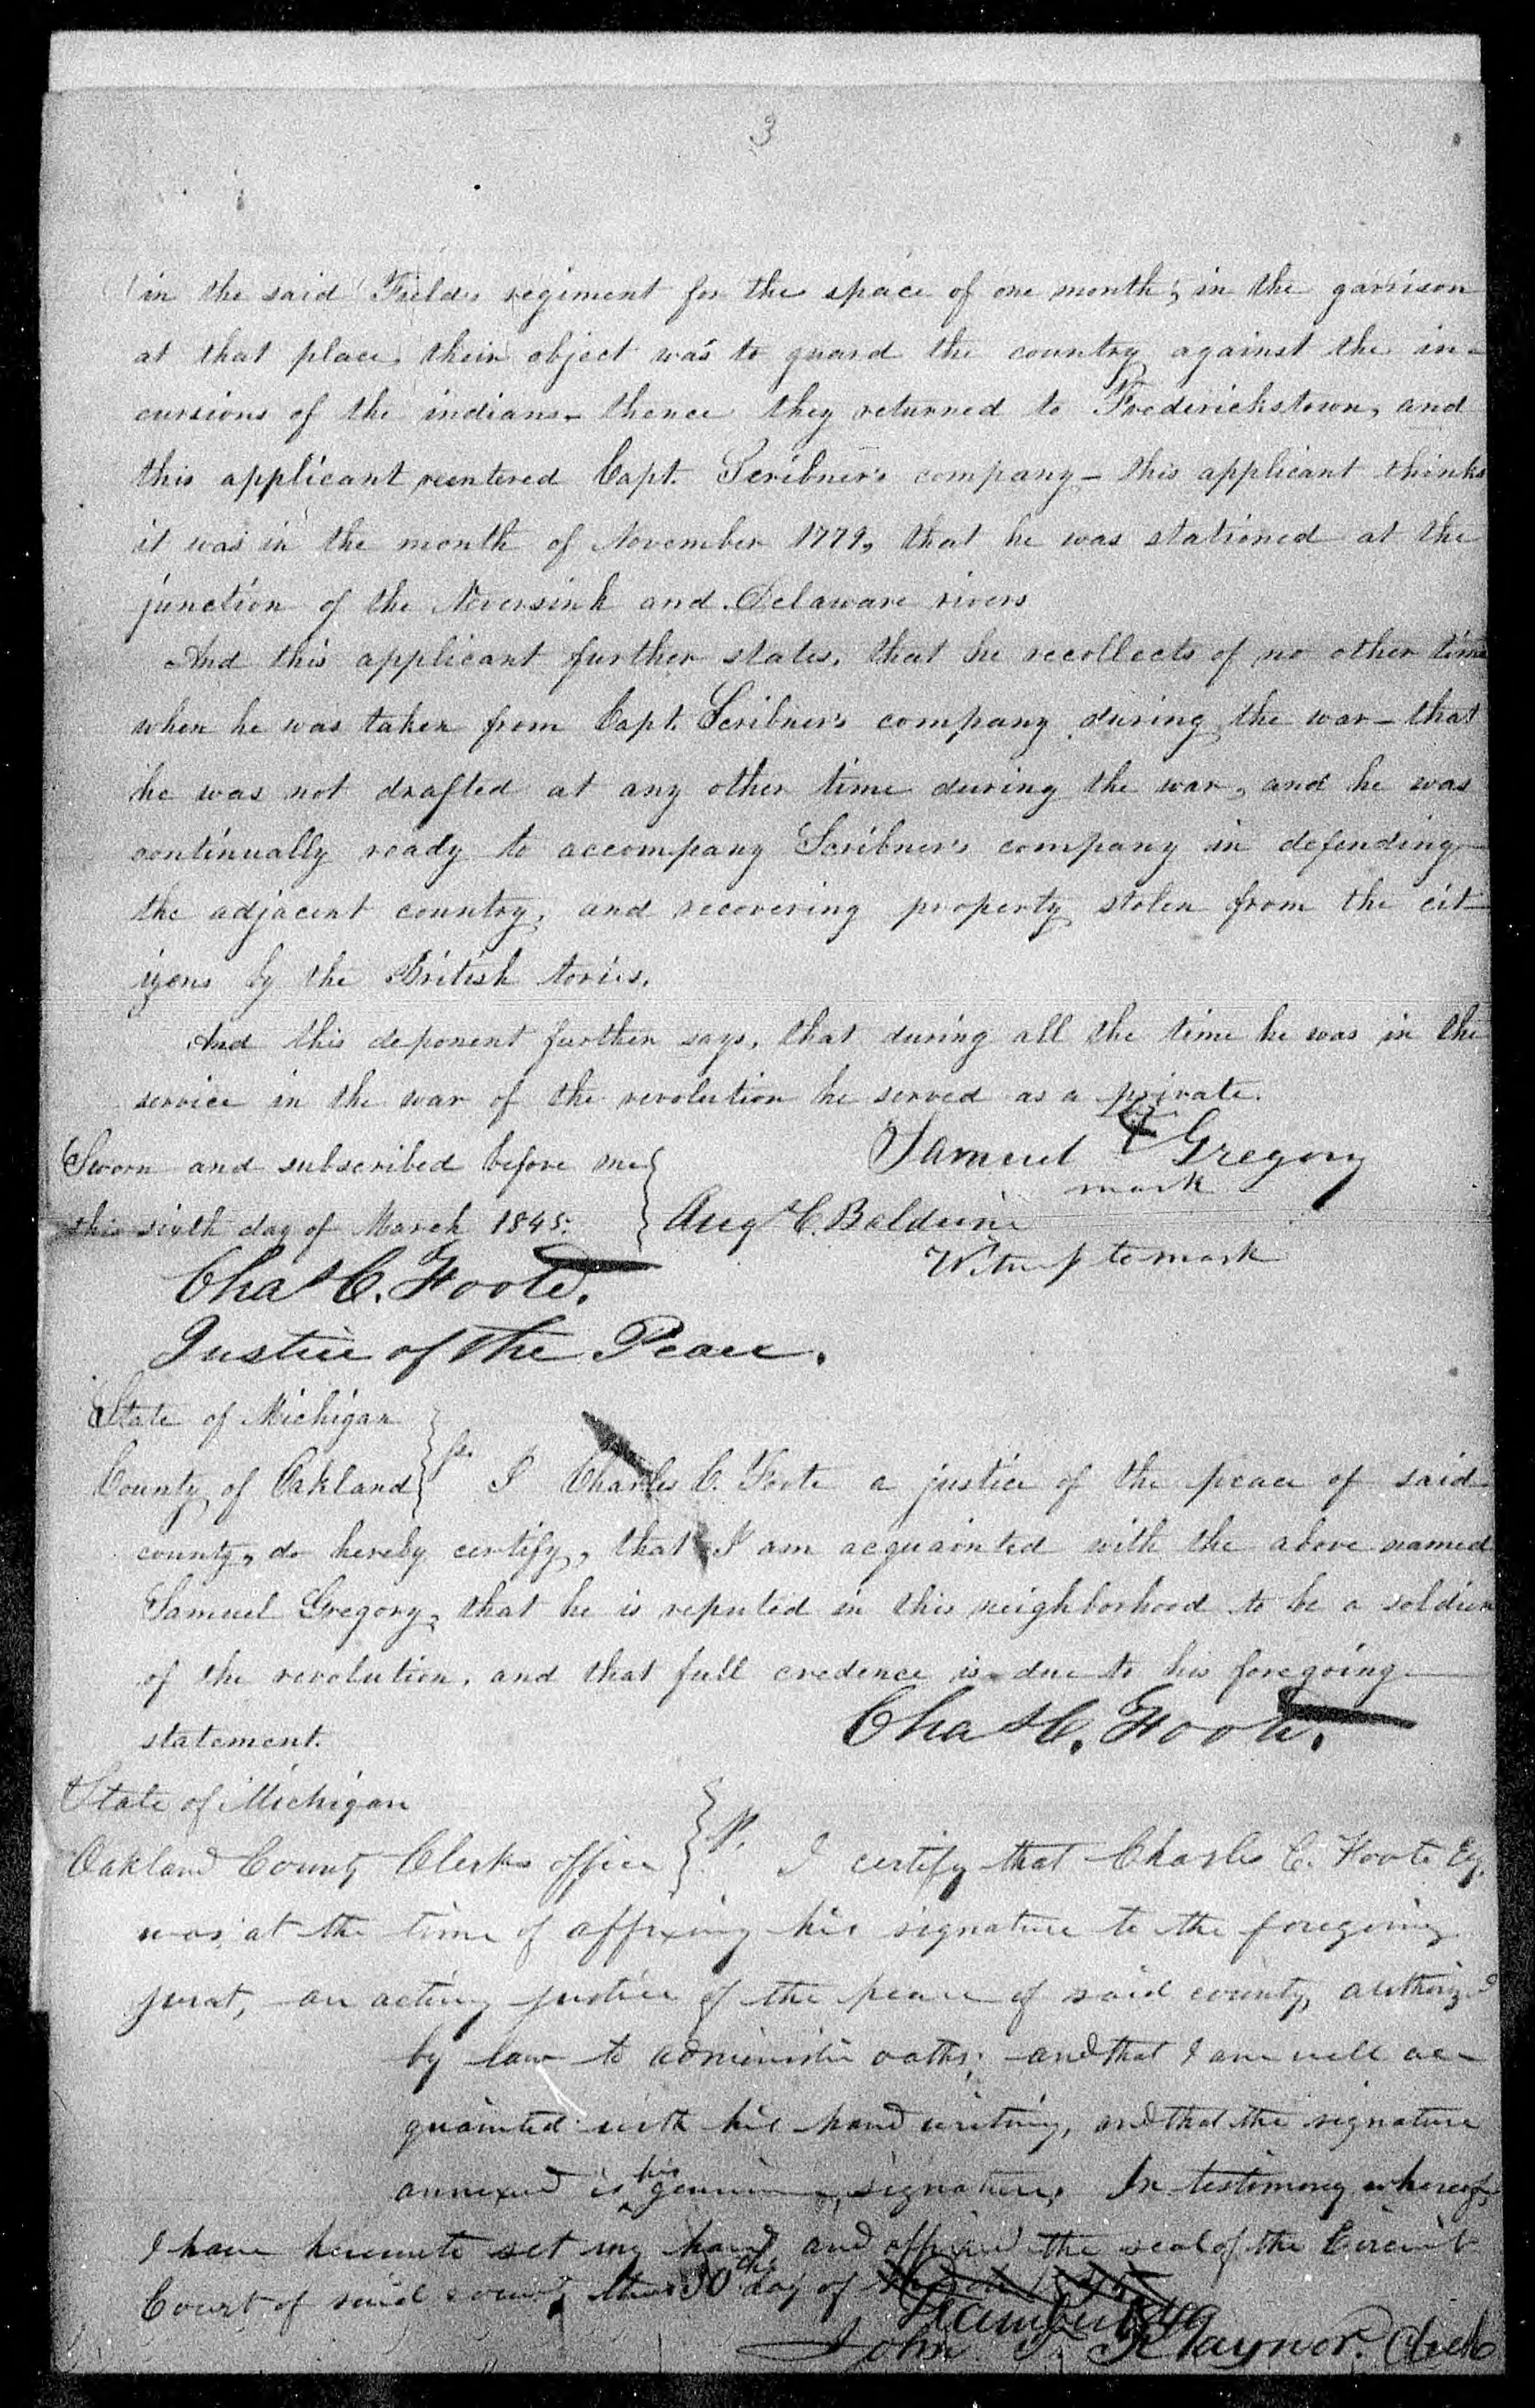in the said, Field's regiment for the space of one month, in the garrison at that place, their object was to guard the country against the incursions of the indians, thence they returned to Frederickstown, and this applicant entered Capt Scribner's company - this applicant thinks it was in the month of November 1779, that he was stationed at the junction of the Navesink and Delaware rivers.
And this applicant further states, that he recollects of no other time he was not drafted at any other time during the war, that he was continually ready to accompany Scribner's company in defending the adjacent country, and recovering property stolen from the citizens by the British tories.
And this deponent further says, that during all the time he was in the service in the war of the revolution he served as a private

[signed] Samuel his X Mark Gregory

Aug C Baldwin Witness to mark

Chas C Foote
Justice of the Peace.

State of Michigan
County of Oakland ss I Charges C. Foote a justice of the peace of said county, do hereby certify, that I am acquainted with the above named Samuel Gregory, that he is reputed in this neighborhood to be a soldier of the revolution, and that full credence is due to his foregoing statement.  Chas H. Foote

Statement of Michigan
Oakland County Clerks office ss I certify that Clark E Foote was at the time of affixing his signature to the foregoing jurist, an acting justice of the peace of said county, authorized by law to administer oaths, and that I am well acquainted with his handwriting, and that the signature annexed is his genuine signature. In testimony whereafter I have herewith set my hand and affixed the seal of the Court of Midtown.  This 30th day of December 1849  John F Raynor. Clerk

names: Samuel Gregory, Samuel Gregory, Chas C Foote, Angs C Baldwin, Charles C Foote, John T Raynor, Charles C Foote, Chas C Foote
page: 24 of 66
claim: rejected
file: R. 4298, Samuel Gregory, New York